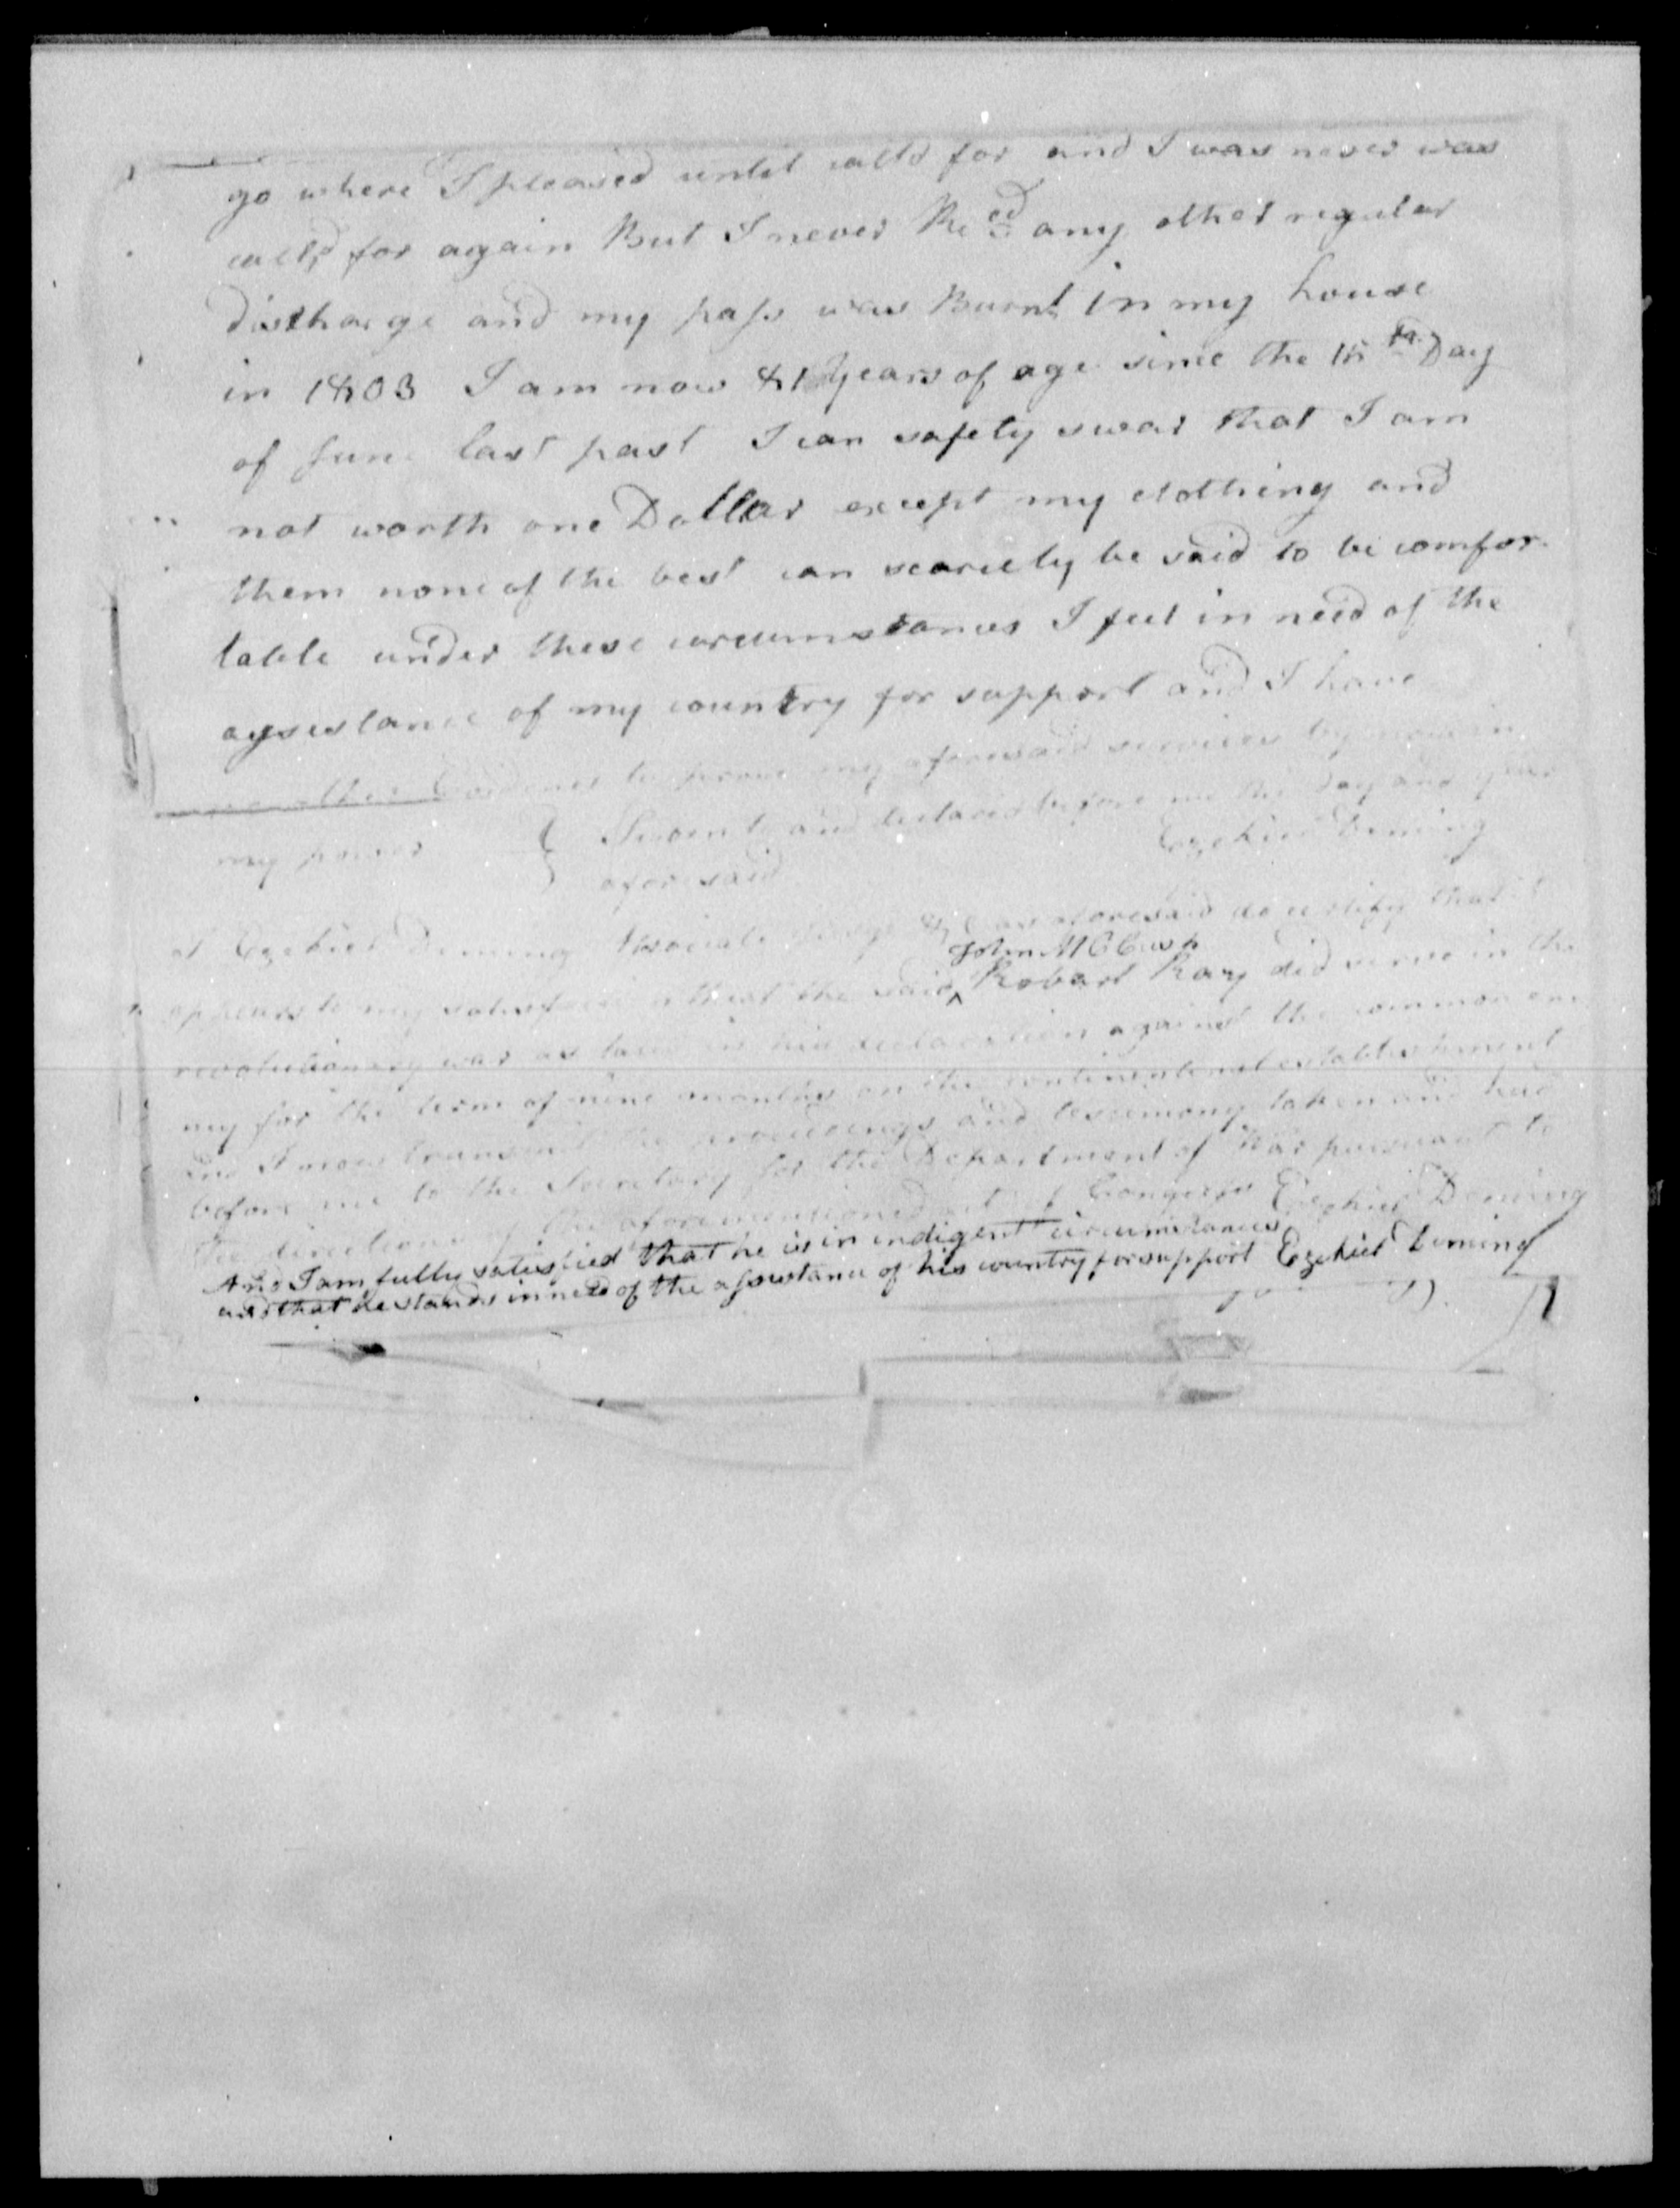go where I pleased until called for and I was never called for again But I never Recd any other regular Discharge and my pass was Burnt in my house in 1803  I am now 81 years of age since this 14th day of June last past   I can safely swear that I am not worth one Dollar except my clothing and them none of the best can scarcely be said to be comfortable under these circumstances  I feel in need of the assistance of my Country for support and I have [illegible]  my aforesaid service by [illegible] Sworn and testified before me this day [illegible] said     Ezekial Deming
that it appears to my satisfaction that said John McCush  [illegible] Ray did serve in the revolutionary war as said in his declaration against the [illegible] for the term of nine months on the continental [illegible] I take in here before me to the Secretary of Waer pursuant to the [illegible] of the aforementioned act of Congress Ezekial Deming  As I am further satisfied that he is in indigent circumstances and that he stands in need of the assistance of his country for support   Ezekial Deming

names: Ezekiel Deming; Ezekiel Deming; Ezekiel Deming; Ezekiel Deming; John Mc Cush; Robert Ray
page: 8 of 20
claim: survivor's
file: S. 40,990, for John Mc Cush Robert Ray, Pennsylvania